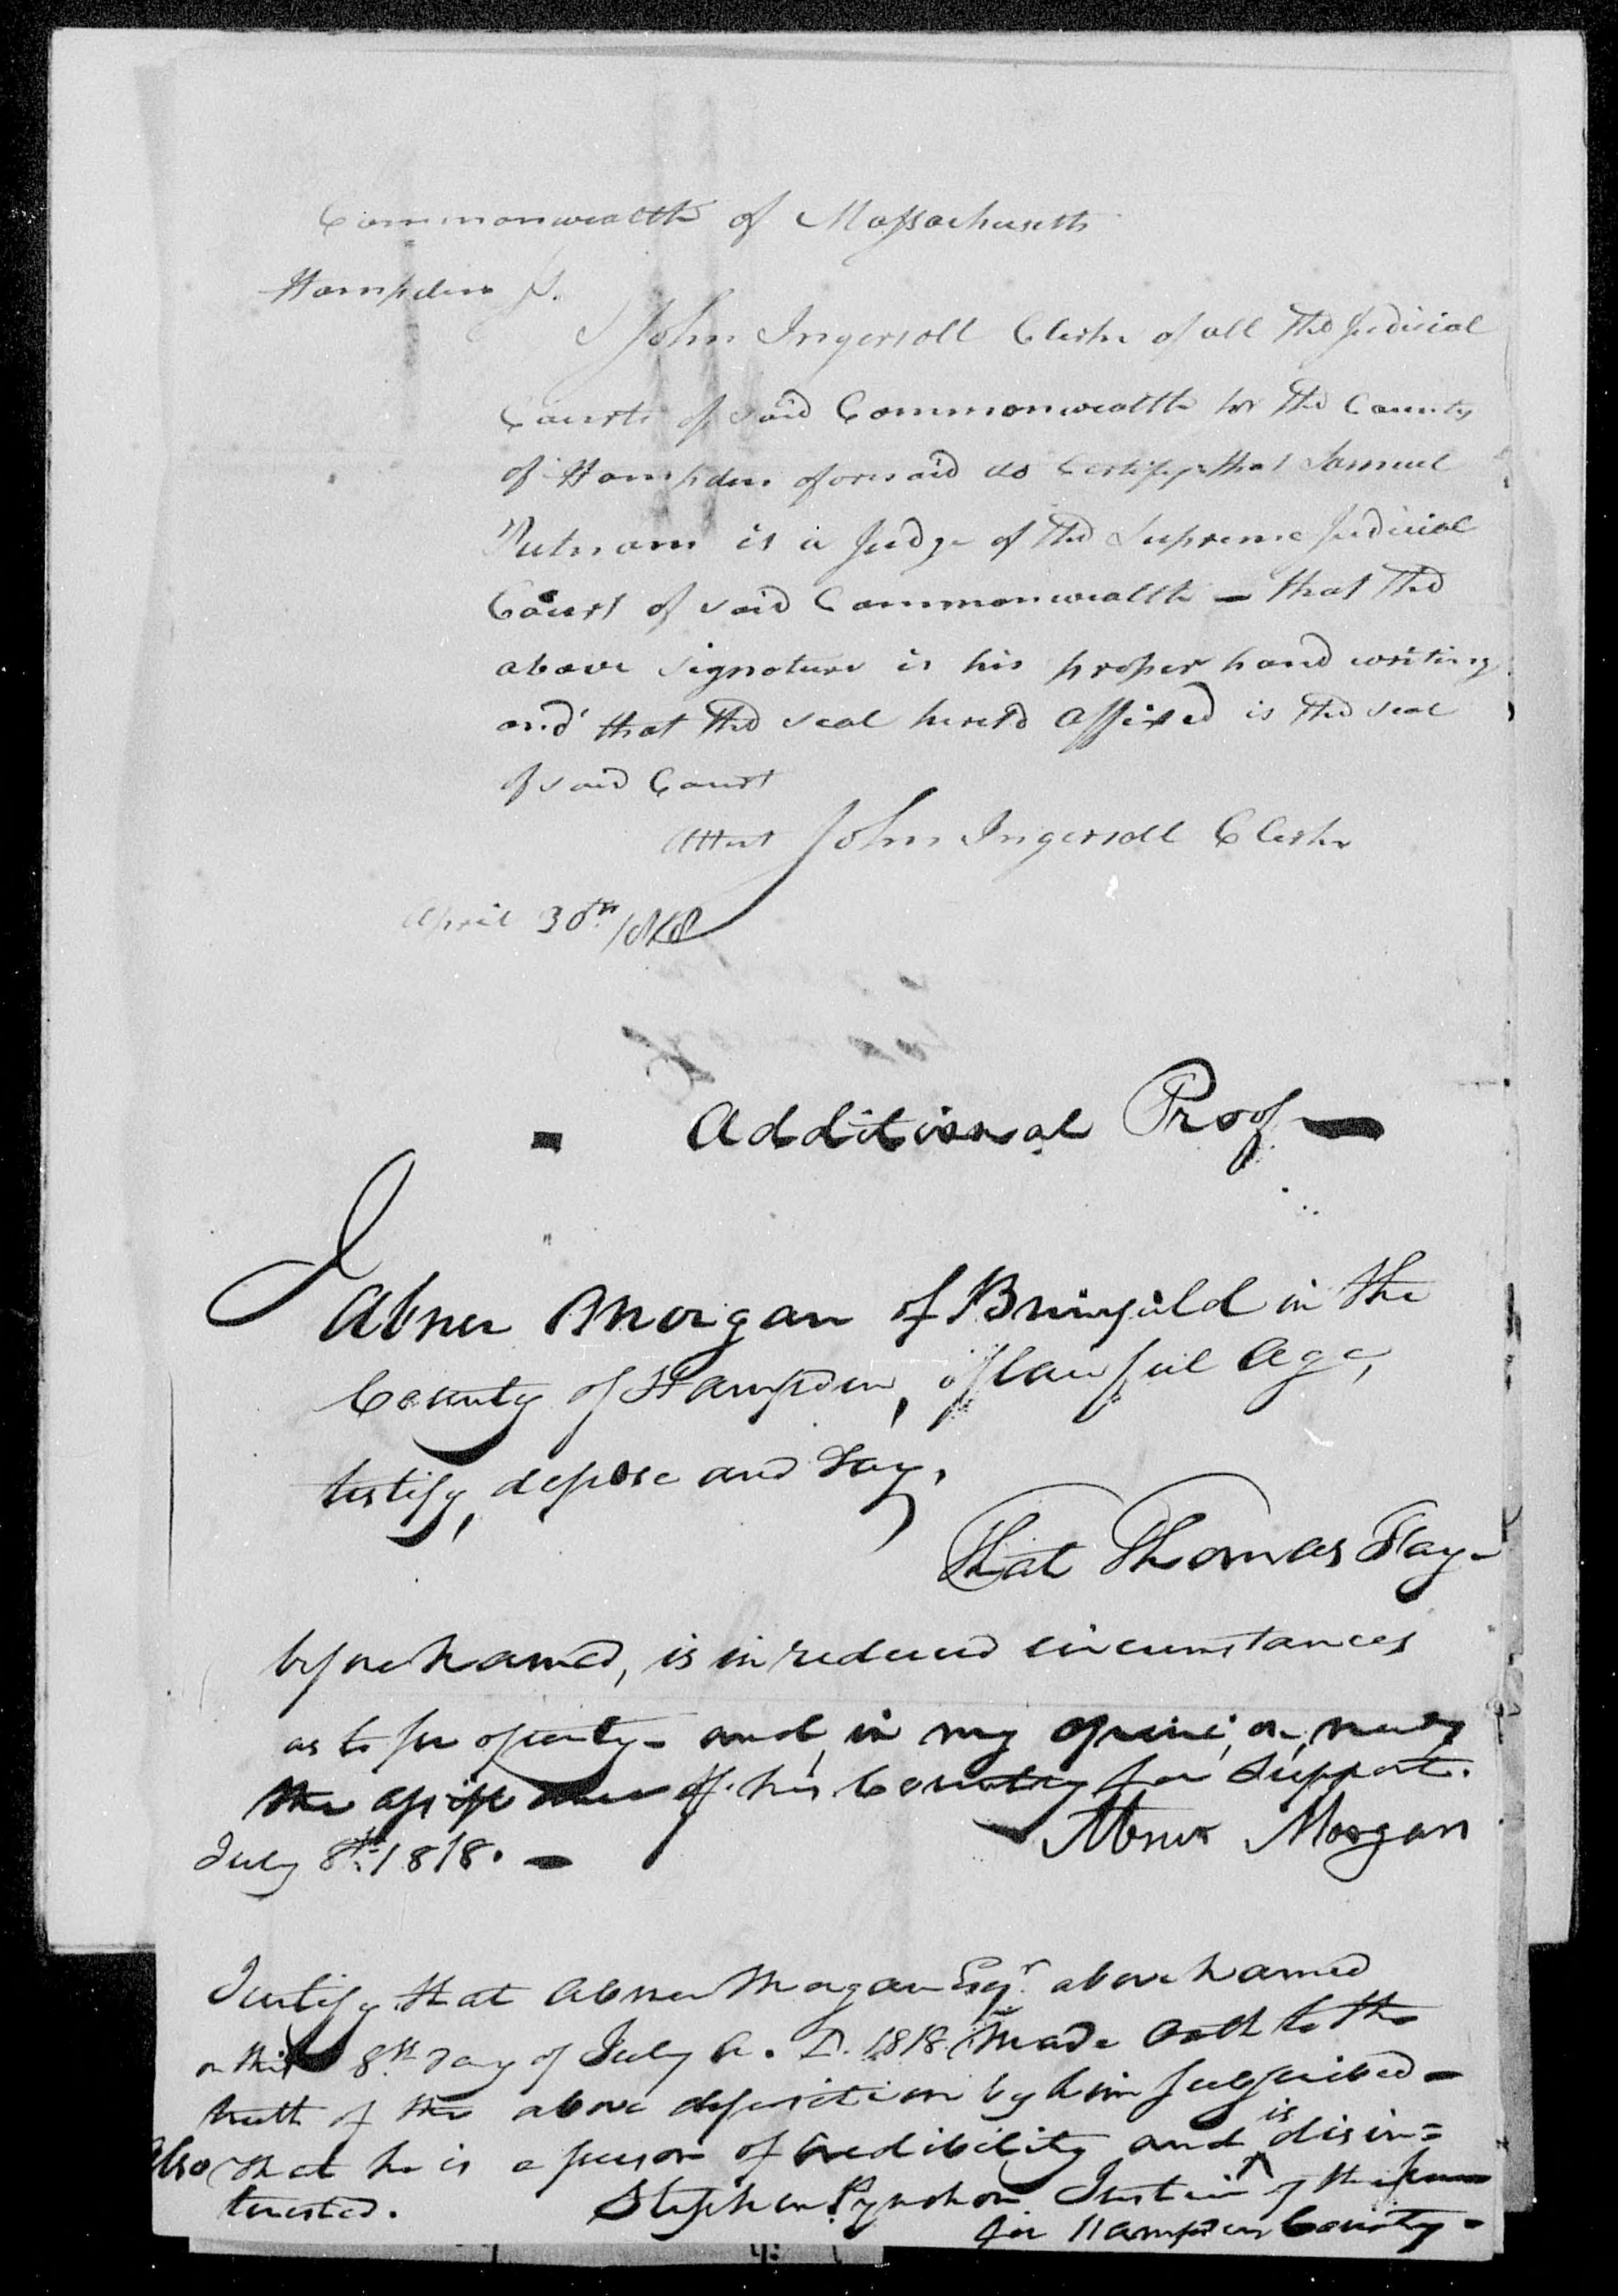Commonwealth of Massachusetts 
Hampden Ss. 

I John Ingersoll Clerk of all the Judicial Court of said Commonwealth for the County of Hampden aforesaid do certify that Samuel Putnam is a Judge of the Supreme Judicial Court of said Commonwealth that the above signature is his proper hand writing and that the seal hereto affixed is the seal of said Court
Attest John Ingersoll Clerk April 30th 1841 

Additional proof- I Abner Morgan of Brimfield in the County of Hampden, of lawful age testify, depose and say That Thomas Fay before named, is in reduced circumstances as  to property - and in my opinion in need of the assistance of his country for support. July 8th 1818.- 
Abner Morgan

1 certify that Abner Morgan Esq above named the 8th day of July A.D. 1818 made oath to the truth of the above deposition by him subscribed that he is a person of credibility and is disinterested. 
Stephen Pynchon Justice of the Peace for 
Hampton County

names: Abner Morgan, Thomas Fay, Abner Morgan, Abner Morgan, Stephen Pynchon, John Ingersoll, John Ingersoll, Samuel Putnam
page: 6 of 31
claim: survivor's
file: S. 34,839, Thomas Fay, Mass.